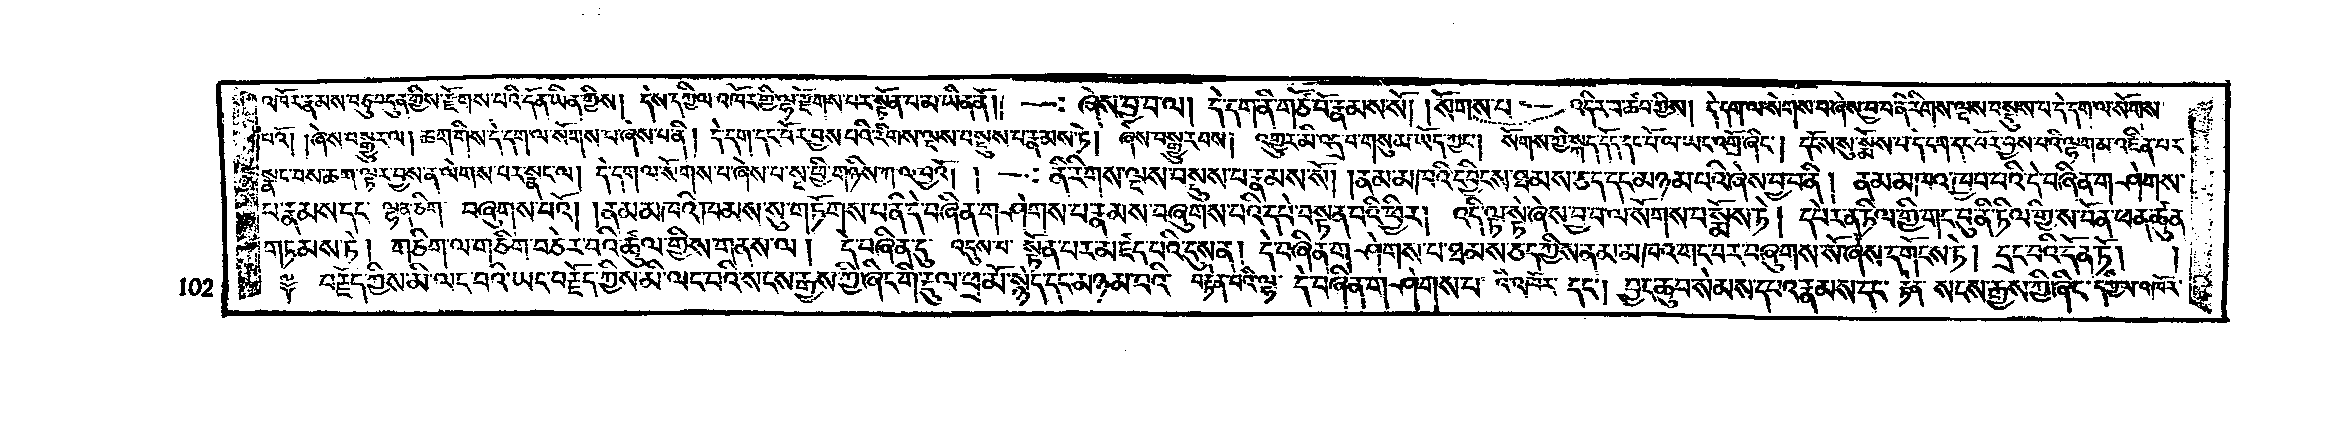འཁོར་རྣམས་བཅུ་བདུན་གྱིས་རྫོགས་པའི་དོན་ཡིན་གྱིས། དེས་དཀྱིལ་འཁོར་གྱི་ལྷ་རྫོགས་པར་སྟོན་པ་མ་ཡིན་ནོ།། H.་ཞེས་བྱ་བ་ལ། དེ་དག་ནི་གཙོ་བོ་རྣམས་སོ། །སོགས་པ་H.་འདིར་བ་ཚབ་ཀྱིས། དེ་དག་ལ་སོགས་པ་ཞེས་བྱ་བ་ནི་རིགས་ལྔས་བསྡུས་པ་དེ་དག་ལ་སོགས་
པའོ། །ཞེས་བསྒྱུར་ལ། ཆོག་གིས་དེ་དག་ལ་སོགས་པ་ཞེས་པ་ནི། དེ་དག་དང་པོར་བྱས་པའི་རིགས་ལྔས་བསྡུས་པ་རྣམས་ཏེ། ཞེས་བསྒྱུར་བས། འགྱུར་མི་འདྲ་བ་གསུམ་ཡོད་ཀྱང་། སོགས་ཀྱི་སྐད་དོད་དང་པོ་ལ་ཡང་འགྲོ་ཞིང་། དངོས་སུ་སྨོས་པ་དེ་དག་དང་པོར་བྱས་པའི་ལྷག་མ་འཛིན་པར་
སྣང་བས་ཆག་ལྟར་བྱས་ན་ལེགས་པར་སྣང་ལ། དེ་དག་ལ་སོགས་པ་ཞེས་པ་སྔ་ཕྱི་གཉིས་ཀ་ལ་བྱའོ། ། H.་ནི་རིགས་ལྔས་བསྡུས་པ་རྣམས་སོ། །ནམ་མཁའི་དབྱིངས་ཐམས་ཅད་དང་མཉམ་པའི་ཞེས་བྱ་བ་ནི། ནམ་མཁའ་ཁྱབ་པའི་དེ་བཞིན་གཤེགས་
པ་རྣམས་དང་ལྷན་ཅིག་བཞུགས་པའོ། །ནམ་མཁའི་ཁམས་སུ་གཏོགས་པ་ནི་དེ་བཞིན་གཤེགས་པ་རྣམས་བཞུགས་པའི་དཔེ་བསྟན་པའི་ཕྱིར། འདི་ལྟ་སྟེ་ཞེས་བྱ་བ་ལ་སོགས་པ་སྨོས་ཏེ། དཔེར་ན་ཏིལ་གྱི་གང་བུ་ནི་ཏིལ་གྱི་ས་བོན་ཕན་ཚུན་
གཏམས་ཏེ། གཅིག་ལ་གཅིག་བཅེར་བའི་ཚུལ་གྱིས་གནས་ལ། དེ་བཞིན་དུ་འདུས་པ་སྟོན་པར་མཛད་པའི་དུས་ན། དེ་བཞིན་གཤེགས་པ་ཐམས་ཅད་ཀྱིས་ནམ་མཁའ་གང་བར་བཞུགས་སོ་ཞེས་དགོངས་ཏེ། དྲང་བའི་དོན་ཏོ།།
༈ བརྗོད་ཀྱིས་མི་ལང་བའི་ཡང་བརྗོད་ཀྱིས་མི་ལང་བའི་སངས་རྒྱས་རྒྱས་ཀྱི་ཞིང་གི་རྡུལ་ཕྲ་མོ་སྙེད་དང་མཉམ་པའི་བརྟེན་པའི་ལྷ་དེ་བཞིན་གཤེགས་པའི་འཁོར་དང་། བྱང་ཆུབ་སེམས་དཔའ་རྣམས་དང་རྟེན་སངས་རྒྱས་ཀྱི་ཞིང་དཀྱིལ་འཁོར་